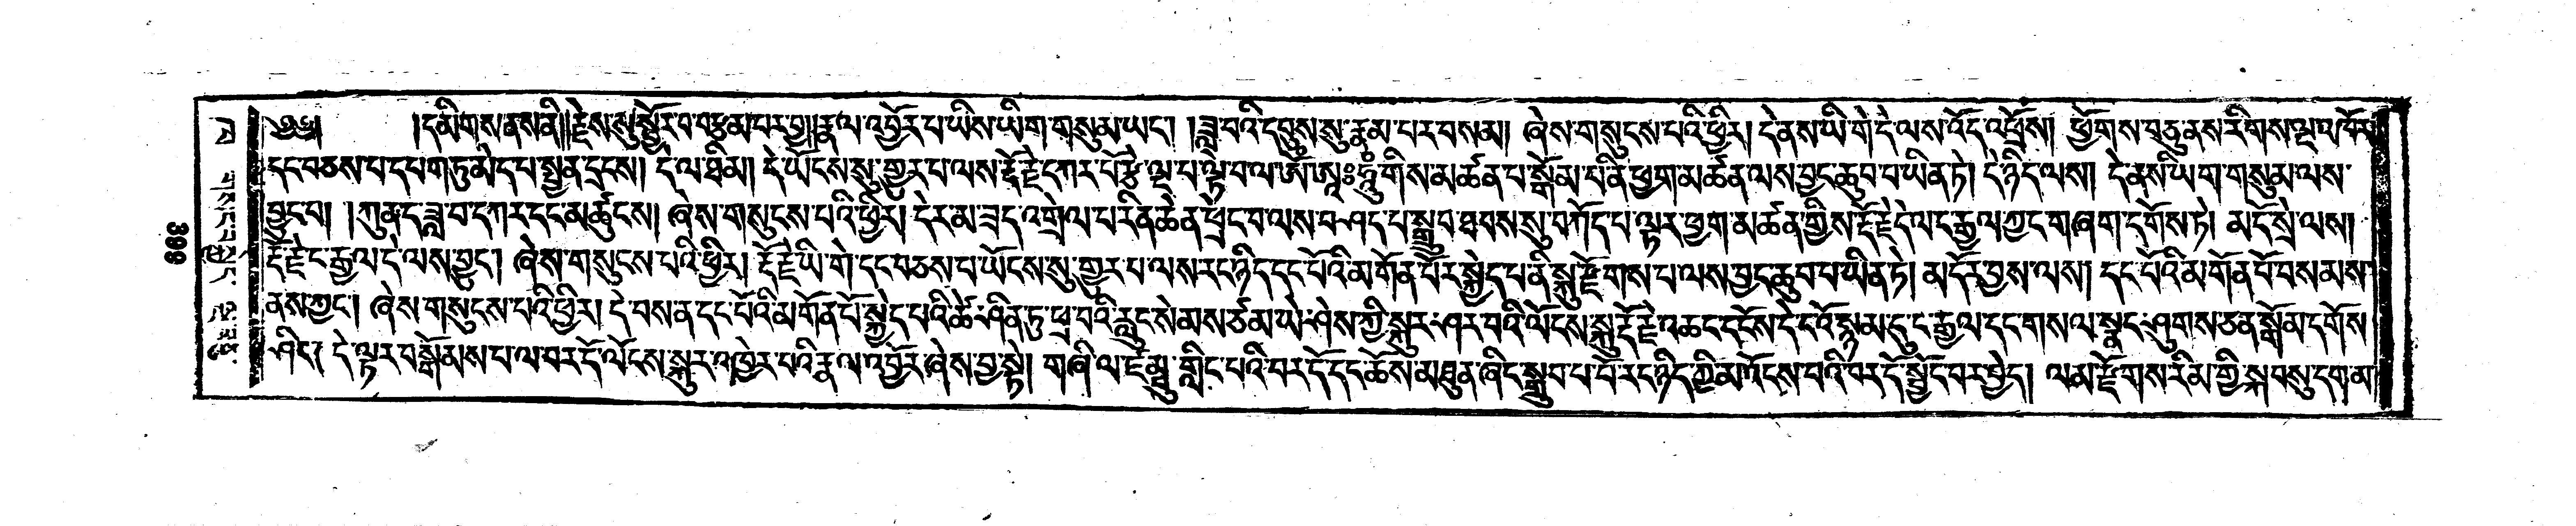༄༅། །དམིགས་ནས་ནི། །རྗེས་སུ་སྦྱོར་བ་བརྩམ་པར་བྱ། །རྣལ་འབྱོར་པ་ཡིས་ཡིག་གསུམ་ཡང་། །ཟླ་བའི་དབུས་སུ་རྣམ་པར་བསམ། ཞེས་གསུངས་པའི་ཕྱིར། དེ་ནས་ཡི་གེ་དེ་ལས་འོད་འཕྲོས། ཕྱོགས་བཅུ་ནས་རིགས་ལྔ་འཁོར་
དང་བཅས་པ་དཔག་ཏུ་མེད་པ་སྤྱན་དྲངས། དེ་ལ་ཐིམ། དེ་ཡོངས་སུ་གྱུར་པ་ལས་རྡོ་རྗེ་དཀར་པོ་རྩེ་ལྔ་པ་ལྟེ་བ་ལ་ཨོཾ་ཨཱཿ ཧཱུཾ་གིས་མཚན་པ་སྒོམ་པ་ནི་ཕྱག་མཚན་ལས་བྱང་ཆུབ་པ་ཡིན་ཏེ། དེ་ཉིད་ལས། དེ་ནས་ཡིག་གསུམ་ལས་
བྱུང་བ། །ཀུན་ད་ཟླ་བ་དཀར་དང་མཚུངས། ཞེས་གསུངས་པའི་ཕྱིར། དེར་མ་ཟད་འགྲེལ་པ་རིན་ཆེན་ཕྲེང་བ་ལས་བཤད་པ་སྒྲུབ་ཐབས་སུ་བཀོད་པ་ལྟར་ཕྱག་མཚན་གྱིས་རྡོ་རྗེ་དེ་ལ་ང་རྒྱལ་ཀྱང་གཞག་དགོས་ཏེ། མདོ་སྲེ་ལས།
རྡོ་རྗེ་ང་རྒྱལ་དེ་ལས་བྱུང་། ཞེས་གསུངས་པའི་ཕྱིར། རྡོ་རྗེ་ཡི་གེ་དང་བཅས་པ་ཡོངས་སུ་གྱུར་པ་ལས་རང་ཉིད་དང་པོའི་མགོན་པོར་སྐྱེད་པ་ནི་སྐུ་རྫོགས་པ་ལས་བྱང་ཆུབ་པ་ཡིན་ཏེ། མདོར་བྱས་ལས། དང་པོའི་མགོན་པོ་བསམས་
ནས་ཀྱང་། ཞེས་གསུངས་པའི་ཕྱིར། དེ་བས་ན་དང་པོའི་མགོན་པོ་སྐྱེད་པའི་ཚེ་ཤིན་ཏུ་ཕྲ་བའི་རླུང་སེམས་ཙམ་ཡེ་ཤེས་ཀྱི་སྐུར་ཤར་བའི་ལོངས་སྐུ་རྡོ་རྗེ་འཆང་དངོས་དེ་ངའོ་སྙམ་དུ་ང་རྒྱལ་དང་གསལ་སྣང་ཤུགས་ཅན་སྒོམ་དགོས་
ཤིང༑ དེ་ལྟར་བསྒོམས་པ་ལ་བར་དོ་ལོངས་སྐུར་འཁྱེར་བའི་རྣལ་འབྱོར་ཞེས་བྱ་སྟེ། གཞི་ལ་ཛམྦུ་གླིང་པའི་བར་དོ་དང་ཆོས་མཐུན་ཞིང་སྒྲུབ་པ་པོ་རང་ཉིད་ཀྱི་མ་འོངས་པའི་བར་དོ་སྤྱོད་པར་བྱེད། ལམ་རྫོགས་རིམ་གྱི་སྐབས་སུ་དག་མ་